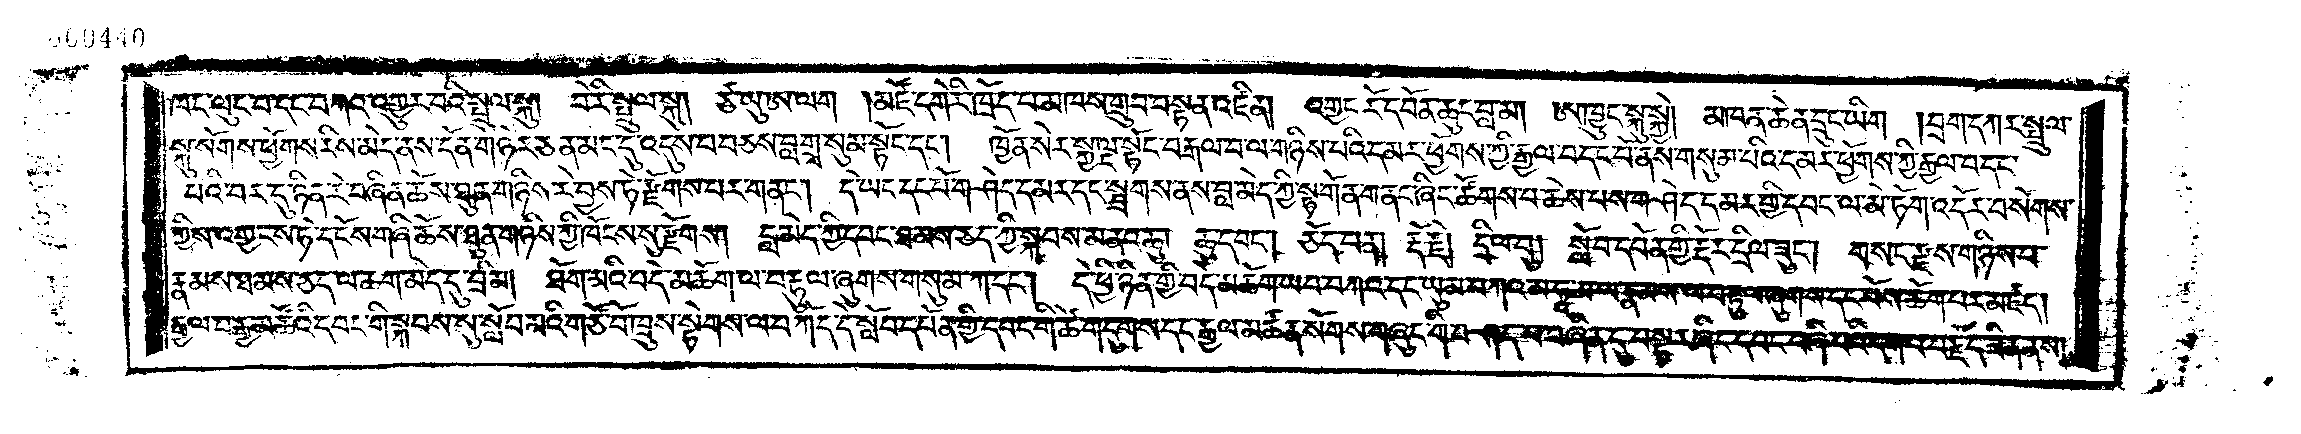ཁང་ལུང་པ་དང་བཀའ་འགྱུར་བའི་སྤྲུལ་སྐུ། བེ་རི་སྤྲུལ་སྐུ། ཙ་ཡུ་ཨ་ལག །མཛོ་དགེ་རི་ཁྲོད་པ་མཁས་གྲུབ་བསྟན་འཛིན། འགྱང་རོ་དབོན་ཆུང་བླ་མ། ཨ་ཁྱུད་སྐུ་སྐྱེ། མཁན་ཆེན་དྲུང་ཡིག །བྲག་དཀར་སྤྲུལ་
སྐུ་སོགས་ཕྱོགས་རིས་མེད་ནས་དོན་གཉེར་ཅན་མང་དུ་འདུས་པ་བཅས་བླ་གྲྭ་སུམ་སྟོང་དང་། ཁྱོན་སེར་སྐྱ་ལྔ་སྟོང་བརྒལ་བ་ལ་གཉིས་པའི་དམར་ཕྱོགས་ཀྱི་རྒྱལ་བ་དང་པོ་ནས་གསུམ་པའི་དམར་ཕྱོགས་ཀྱི་རྒྱལ་བ་དང་
པོའི་བར་དུ་ཉིན་རེ་བཞིན་ཆོས་ཐུན་གཉིས་རེ་བྱས་ཏེ་རྫོགས་པར་གནང་། དེ་ཡང་དང་པོ་གཤེད་དམར་དང་སྦྲགས་ནས་བླ་མེད་ཀྱི་སྟ་གོན་གནང་ཞིང་ཚོགས་པ་ཆེས་པས་གཤེད་དམར་གྱི་དབང་ལ་མེ་ཏོག་འདོར་བ་སོགས་
ཀྱིས་འགྱངས་ཏེ་དངོས་གཞི་ཆོས་ཐུན་གཉིས་ཀྱི་ཁོངས་སུ་རྫོགས། བླ་མེད་ཀྱི་དབང་ཐམས་ཅད་ཀྱི་སྐབས་མནའ་ཆུ། ཆུ་དབང་། ཅོད་པན། རྡོ་རྗེ། དྲིལ་བུ། སློབ་དཔོན་གྱི་རྡོར་དྲིལ་ཟུང་། གསང་རྫས་གཉིས་པ་
རྣམས་ཐམས་ཅད་ལ་ཆག་མེད་དུ་བྲིམ། ཐོག་མའི་བདེ་མཆོག་ལ་བརྟུལ་ཞུགས་གསུམ་ཀ་དང་། དེ་ཕྱི་ཉིན་གྱི་བདེ་མཆོག་ཡབ་བཀའ་དང་ཡུམ་བཀའ་མ་ཧཱ་མ་ཡ་རྣམས་ལ་བརྟུལ་ཞུགས་དང་པོས་ཆོག་པར་མཛད།
རྒྱལ་བ་རྒྱ་མཚོའི་དབང་གི་སྐབས་སུ་སློབ་མའི་གཙོ་བོ་ཁྲུས་སྟེགས་ལ་བཀོད་དེ་སློབ་དཔོན་གྱི་དབང་གི་ཚེ་གདུགས་དང་རྒྱལ་མཚན་སོགས་གཞུང་གི་བཤད་པ་བཞིན་དུ་བསྟར་ཞིང་དབང་བཞི་པའི་དག་པ་བརྗོད་ཟིན་ནས།